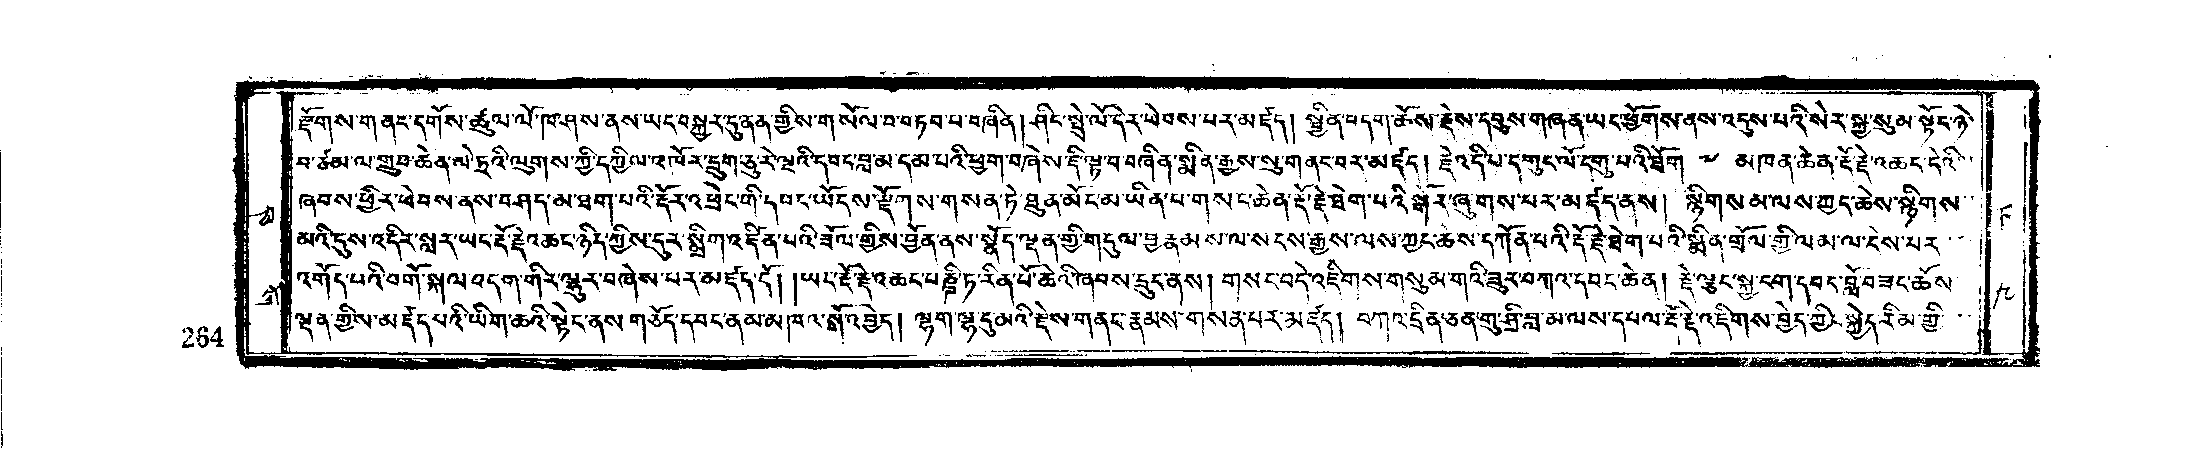རྫོགས་གནང་དགོས་ཚུལ་ལོ་ཁ་ཤས་ནས་ཡང་བསྐྱར་དུ་ནན་གྱིས་གསོལ་བ་བཏབ་པ་བཞིན། ཤིང་སྤྲེ་ལོ་དེར་ཕེབས་པར་མཛད། སྦྱིན་བདག་ཆོས་རྗེས་དབུས་གཞན་ཡང་ཕྱོགས་ནས་འདུས་པའི་སེར་སྐྱ་སུམ་སྟོང་ཉེ་
བ་ཙམ་ལ་གྲུབ་ཆེན་ལེ་ཏྲའི་ལུགས་ཀྱི་དཀྱིལ་འཁོར་དྲུག་ཅུ་རེ་ལྔའི་དབང་བླ་མ་དམ་པའི་ཕྱག་བཞེས་ཇི་ལྟ་བ་བཞིན་སྨིན་རྒྱས་སུ་གནང་བར་མཛད། རྗེ་འདི་པ་དགུང་ལོ་དགུ་པའི་ཐོག ༧་མཁན་ཆེན་རྡོ་རྗེ་འཆང་དེའི་
ཞབས་ཕྱིར་ཕེབས་ནས་བཤད་མ་ཐག་པའི་རྡོར་འཕྲེང་གི་དབང་ཡོངས་རྫོགས་གསན་ཏེ་ཐུན་མོང་མ་ཡིན་པ་གསང་ཆེན་རྡོ་རྗེ་ཐེག་པའི་སྒོར་ཞུགས་པར་མཛད་ནས། སྙིགས་མ་ལས་ཀྱང་ཆེས་སྙིགས་
མའི་དུས་འདིར་སླར་ཡང་རྡོ་རྗེ་འཆང་ཉིད་ཀྱིས་དུར་སྨྲིག་འཛིན་པའི་ཟོལ་གྱིས་བྱོན་ནས་སྣོད་ལྡན་གྱི་གདུལ་བྱ་རྣམས་ལ་སངས་རྒྱས་ལས་ཀྱང་ཆེས་དཀོན་པའི་རྡོ་རྗེ་ཐེག་པའི་སྨིན་གྲོལ་གྱི་ལམ་ལ་ངེས་པར་
འགོད་པའི་བགོ་སྐལ་བདག་གིར་ལྷུར་བཞེས་པར་མཛད་དོ། །ཡང་རྡོ་རྗེ་འཆང་པཎྜི་ཏ་རིན་པོ་ཆེའི་ཞབས་དྲུང་ནས། གསང་བདེ་འཇིགས་གསུམ་གའི་ཟུར་བཀའ་དབང་ཆེན། རྗེ་ལྕང་སྐྱ་ངག་དབང་བློ་བཟང་ཆོས་
ལྡན་གྱིས་མཛད་པའི་ཡིག་ཆའི་སྟེང་ནས་གཅོད་དབང་ནམ་མཁའ་སྒོ་འབྱེད། ལྷག་ལྷ་དུ་མའི་རྗེས་གནང་རྣམས་གསན་པར་མཛད། བཀའ་དྲིན་ཅན་གུ་ཤྲི་བླ་མ་ལས་དཔལ་རྡོ་རྗེ་འཇིགས་བྱེད་ཀྱི་བསྐྱེད་རིམ་གྱི་